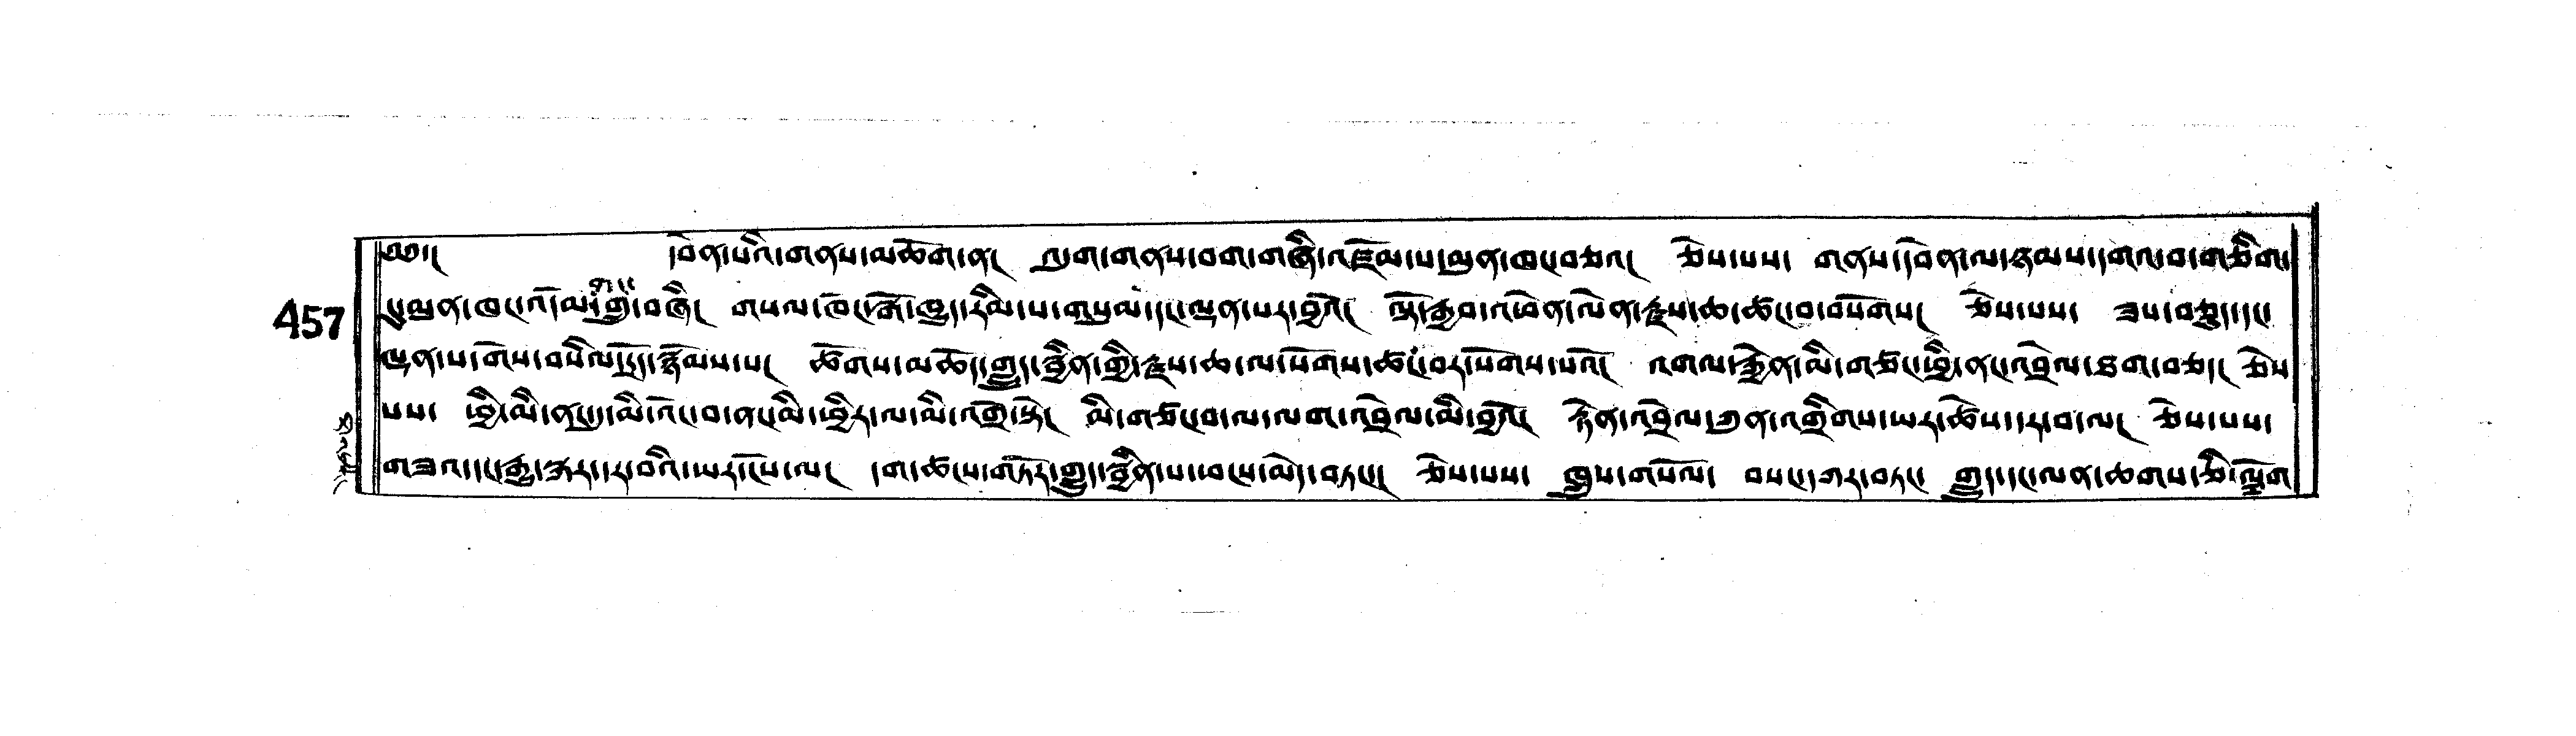དབེན་པའི་གནས་མཆོག་ན། འདུག་གནས་བག་བཞི་འཛོམ་པ་མུན་ཁང་བཅའ། ཅེས་པས། གནས་དབེན་ལ་ཉམས་དགའ་བ་གཅིག་
ཏུ་མུན་ཁང་འདོམ་ཁང་གྲུ་བཞི། གསས་ཁང་སྒོ་ཁྱུད་རིམ་པ་གསུམ་དང་ལྡན་པར་བྱའོ། ལྟོ་རྒྱབ་འཕེན་ལེན་རྫས་ཆ་ཚང་བ་གསོག། ཅེས་པས། ཟས་བཅུད་དང་
ལྡན་པ་གོས་བསིལ་དྲོད་སྙོམས་པ། ཚོགས་མཆོད་གླུད་སྦྱིན་གྱི་རྫས་ཆ་ལ་སོགས་ཚང་བར་གསོག་པའོ། འགལ་རྐྱེན་མི་གཙང་མི་གཙང་ཕྱི་ནང་འབྲེལ་ཐག་བཅད། ཅེས་
པས། ཕྱི་མི་ནང་དུ་མི་འོང་བ་ནང་མི་ཕྱིར་ལ་མི་འགྲོ་སྟེ། མི་གཙང་བ་ལ་ལག་འབྲེལ་མི་བྱའོ། རྟེན་འབྲེལ་ཀུན་འགྲིགས་ཡར་ཚེས་དར་བ་ལ། ཅེས་པས།
 གཟའ་དང་རྒྱུ་སྐར་དར་བའི་ཡར་ངོས་ལ། དག་ཚངས་གཏོར་གླུད་སྦྱིན་པ་ཕངས་མེད་བཏང་། ཅེས་པས། ཁྲུས་གསོལ་བསང་དཀར་བཏང་། གླུད་དང་ལན་ཆགས་མི་ལྕོག་